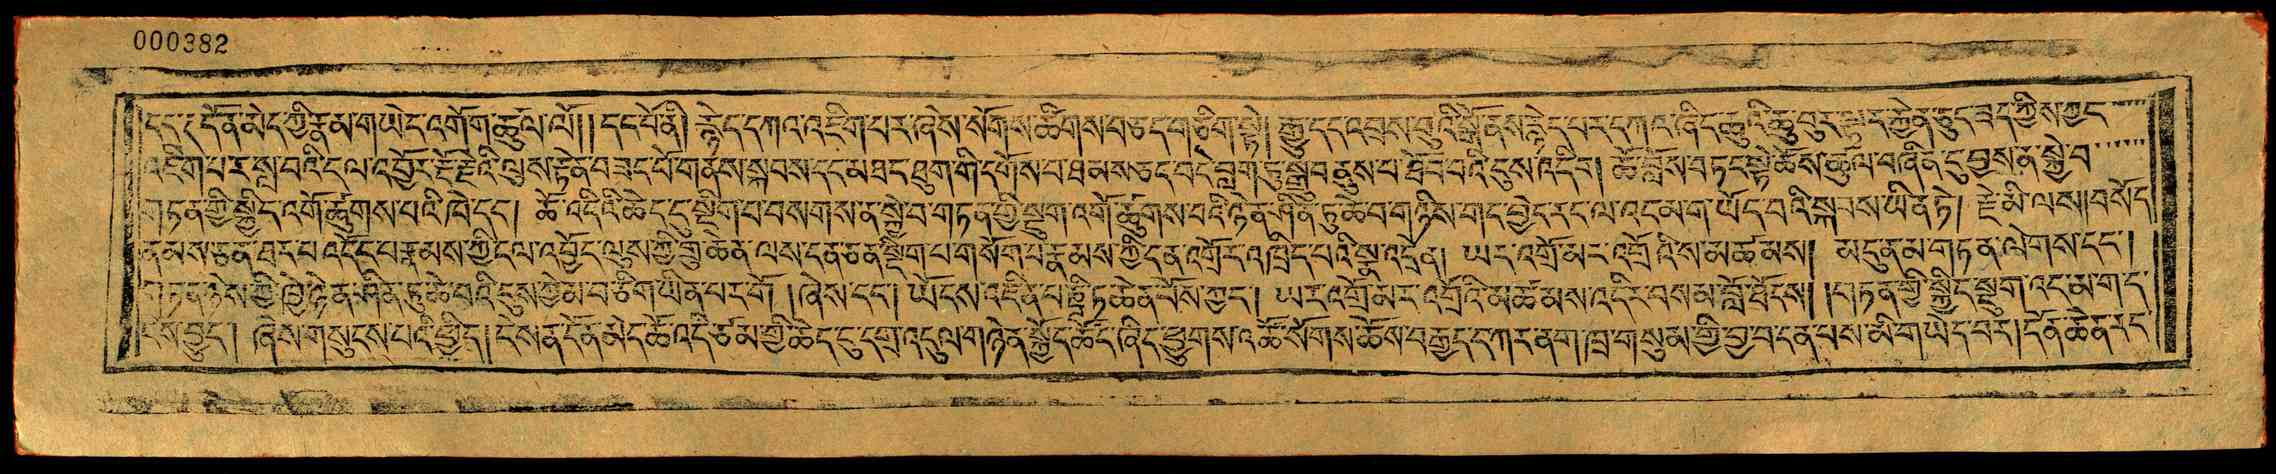དང་། དོན་མེད་ཀྱི་རྣམ་གཡེང་འགོག་ཚུལ་ལོ། །དང་པོ་ནི། རྙེད་དཀའ་འཇིག་པར་ཞེས་སོགས་ཚིགས་བཅད་གཅིག་སྟེ། རྒྱུ་དང་འབྲས་བུའི་སྒོ་ནས་རྙེད་པར་དཀའ་ཞིང་ཆུའི་ཆུ་བུར་ལྟར་རྐྱེན་ཅུང་ཟད་ཀྱིས་ཀྱང་
འཇིག་པར་སླ་བའི་དལ་འབྱོར་རྡོ་རྗེའི་ལུས་རྟེན་བཟང་པོ་གནས་སྐབས་དང་མཐར་ཐུག་གི་དགོས་པ་ཐམས་ཅད་བདེ་བླག་ཏུ་སྒྲུབ་ནུས་པ་ཐོབ་པའི་དུས་འདིར། ཚེ་བློས་བཏང་སྟེ་ཆོས་ཚུལ་བཞིན་དུ་བྱས་ན་སྐྱེ་བ་
གཏན་གྱི་སྐྱིད་འགོ་ཚུགས་པའི་ཁེ་དང་། ཚེ་འདིའི་ཆེད་དུ་སྡིག་པ་བསགས་ན་སྐྱེ་བ་གཏན་གྱི་སྡུག་འགོ་ཚུགས་པའི་ཉེན་ཤིན་ཏུ་ཆེ་བ་གཉིས་གང་བྱེད་རང་ལ་འདམ་ག་ཡོད་པའི་སྐབས་ཡིན་ཏེ། རྗེ་མི་ལས། བསོད་
ནམས་ཅན་ཐར་པ་འདོད་པ་རྣམས་ཀྱི་དལ་འབྱོར་ལུས་ཀྱི་གྲུབ་ཆེན་ལས་ངན་ཅན་སྡིག་པ་གསོག་པ་རྣམས་ཀྱི་ངན་འགྲོར་འཁྲིད་པའི་སྣ་འདྲེན། ཡར་འགྲོ་མར་འགྲོའི་ས་མཚམས། མདུན་མ་གཏན་ལེགས་དང་།
གཏན་ཉེས་ཀྱི་ཁྱེ་ཉེན་ཤིན་ཏུ་ཆེ་བའི་དུས་ཀྱེམ་པ་ཅིག་ཡིན་པར་གོ །ཞེས་དང་། ཡོངས་འཛིན་པཎྜིཏ་ཆེན་པོས་ཀྱང་། ཡར་འགྲོ་མར་འགྲོའི་མཚམས་འདིར་བསམ་བློ་ཐོངས། །གཏན་གྱི་སྐྱིད་སྡུག་འདམ་ག་ད་
རེས་བྱུང་། ཞེས་གསུངས་པའི་ཕྱིར། དེས་ན་དོན་མེད་ཚེ་འདི་ཙམ་གྱི་ཆེད་དུ་དགྲ་འདུལ་གཉེན་སྐྱོང་ཚོད་ཞིང་ཕྱུགས་འཚོ་སོགས་ཆོས་བརྒྱད་དཀར་ནག་ཁྲ་གསུམ་གྱི་བྱ་བ་ངན་པས་མི་གཡེང་བར། དོན་ཆེན་རང་